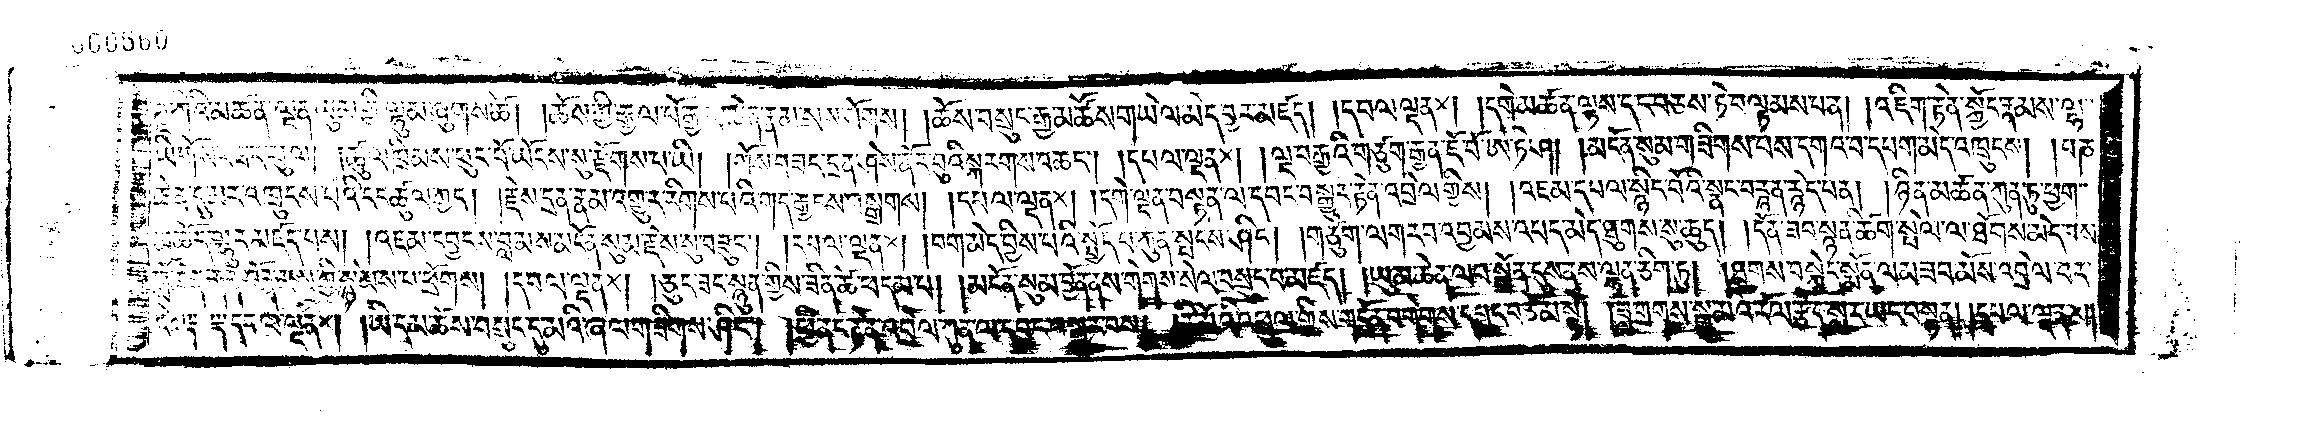ཌཱ་ཀིའི་མཚན་ལྡན་ཡུམ་གྱི་ལྷུམ་ཞུགས་ཚེ། །ཆོས་ཀྱི་རྒྱལ་པོ་རྒྱལ་ཆེན་རྣམ་སྲས་སོགས། །ཆོས་བསྲུང་རྒྱ་མཚོས་གཡེལ་མེད་བྱ་ར་མཛད། །དཔལ་ལྡན་྾། །དགེ་མཚན་ལྟས་དང་བཅས་ཏེ་བལྟམས་པ་ན། །འཇིག་རྟེན་སྐྱོང་རྣམས་ལྷ་
ཡི་གོས་བཟང་ཕུལ། །ཚུལ་ཁྲིམས་ཕུང་པོ་ཡོངས་སུ་རྫོགས་པ་ཡི། །གོས་བཟང་དྲན་ཤེས་ནོར་བུའི་སྐ་རགས་འཆང་། །དཔལ་ལྡན་྾། །ལྔ་བརྒྱའི་གཙུག་རྒྱན་ཇོ་བོ་ཨ་ཏི་ཤ། །མངོན་སུམ་གཟིགས་པས་དགའ་བ་དཔག་མེད་འཁྲུངས། །པཎ་
ཆེན་དུ་མར་འཁྲུངས་པའི་ངང་ཚུལ་ཀྱང་། །རྗེས་དྲན་རྣམ་འགྱུར་རིགས་པའི་གད་རྒྱངས་བསྒྲགས། །དཔལ་ལྡན་྾། །དགེ་ལྡན་བསྟན་ལ་དབང་བསྒྱུར་རྟེན་འབྲེལ་གྱིས། །འཇམ་དཔལ་སྙིང་པོའི་སྣང་བརྙན་རྙེད་པ་ན། །ཉིན་མཚན་ཀུན་ཏུ་ཕྱག་
མཆོད་ལྷུར་མཛད་པས། །འཇམ་དབྱངས་བླ་མས་མངོན་སུམ་རྗེས་སུ་བཟུང་། །དཔལ་ལྡན་྾། །བག་མེད་བྱིས་པའི་སྤྱོད་པ་ཀུན་སྤངས་ཤིང་། །གཙུག་ལག་རབ་འབྱམས་འབད་མེད་ཐུགས་སུ་ཆུད། །དོན་ཟབ་སྙན་ཚིག་སྤེལ་ལ་ཐོགས་མེད་པས་
བློ་ཆེན་རྒན་པོ་རྣམས་ཀྱི་སྙེམས་པ་ཕྲོགས། །དཔལ་ལྡན་྾། །ཅུང་ཟད་སྙུན་གྱིས་ཟིན་ཚེ་ཕ་དམ་པ། །མངོན་སུམ་བྱོན་ནས་གེགས་སེལ་བསྲུང་བ་མཛད། །ཡུམ་ཆེན་ལབ་སྒྲོན་དུས་ནས་ལྷན་ཅིག་ཏུ། །ཐུགས་བསྐྱེད་སྨོན་ལམ་ཟབ་མོས་འབྲེལ་བར་
ངེས༑ ༑དཔལ་ལྡན་྾། །ཡི་དམ་ཆོས་བསྲུང་དུ་མའི་ཞལ་གཟིགས་ཤིང་། །ཕྱི་ནང་རྟེན་འབྲེལ་ཀུན་ལ་དབང་བསྒྱུར་བས། །རི་མོའི་འཕྲུལ་གྱིས་གདོན་བགེགས་དཔུང་བཅོམ་སྟེ། །ཟླ་གྲགས་སྒྱུ་མའི་རོལ་རྩེད་སླར་ཡང་བསྟན། །དཔལ་ལྡན་྾།།